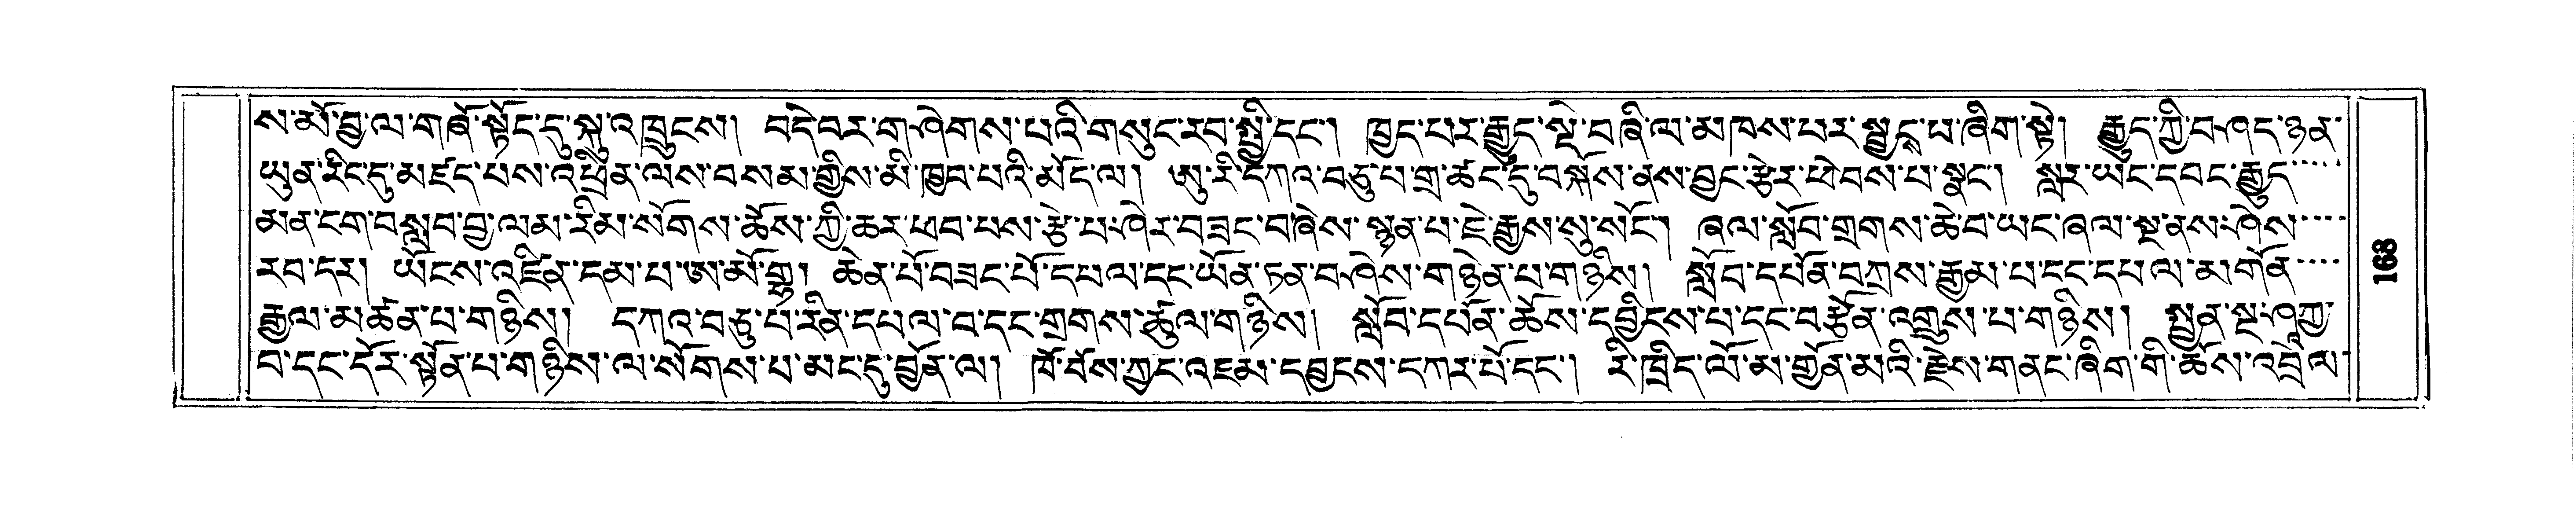ས་མོ་བྱ་ལ་གཞོ་སྟོད་དུ་སྐུ་འཁྲུངས། བདེ་བར་གཤེགས་པའི་གསུངས་རབ་སྤྱི་དང་། ཁྱད་པར་རྒྱུད་སྡེ་བཞི་ལ་མཁས་པར་སྦྱངས་པ་ཞིག་སྟེ། རྒྱུད་ཀྱི་བཤད་ཉན་
ཡུན་རིང་དུ་མཛད་པས་འཕྲིན་ལས་བསམ་གྱིས་མི་ཁྱབ་པའི་མདོ་ལ། ཨུ་རི་དཀའ་བཅུ་པ་གྲ་ཚང་དུ་བསྐོས་ནས་བྱང་རྩེར་ཕེབས་པ་སྣང་། སླར་ཡང་དབང་རྒྱུད་
མན་ངག་བསླབ་བྱ་ལམ་རིམ་སོགས་ཆོས་ཀྱི་ཆར་ཕབ་པས་རྩེ་པ་ཤེར་བཟང་བ་ཞེས་སྙན་པ་ཇེ་རྒྱས་སུ་སོང་། ཞལ་སློབ་གྲགས་ཆེ་བ་ཡང་ཞལ་སྔ་ནས་ཤེས་
རབ་དར། ཡོངས་འཛིན་དམ་པ་ཨ་མོ་གྷ། ཆེན་པོ་བཟང་པོ་དཔལ་དང་ཡོན་ཏན་བཤེས་གཉེན་པ་གཉིས། སློབ་དཔོན་བཀྲས་རྒྱམ་པ་དང་དཔལ་མགོན་
རྒྱལ་མཚན་པ་གཉིས། དཀའ་བཅུ་པ་རིན་དཔལ་བ་དང་གྲགས་ཚུལ་གཉིས། སློབ་དཔོན་ཆོས་དབྱིངས་པ་དང་བརྩོན་འགྲུས་པ་གཉིས། སྤྱན་སྔ་ཤཱཀྱ་
བ་དང་དོར་སྟོན་པ་གཉིས་ལ་སོགས་པ་མང་དུ་བྱོན་ལ། ཁོ་བོས་ཀྱང་འཇམ་དབྱངས་དཀར་པོ་དང་། རི་ཁྲིད་ལོ་མ་གྱོན་མའི་རྗེས་གནང་ཞིག་གི་ཆོས་འབྲེལ་